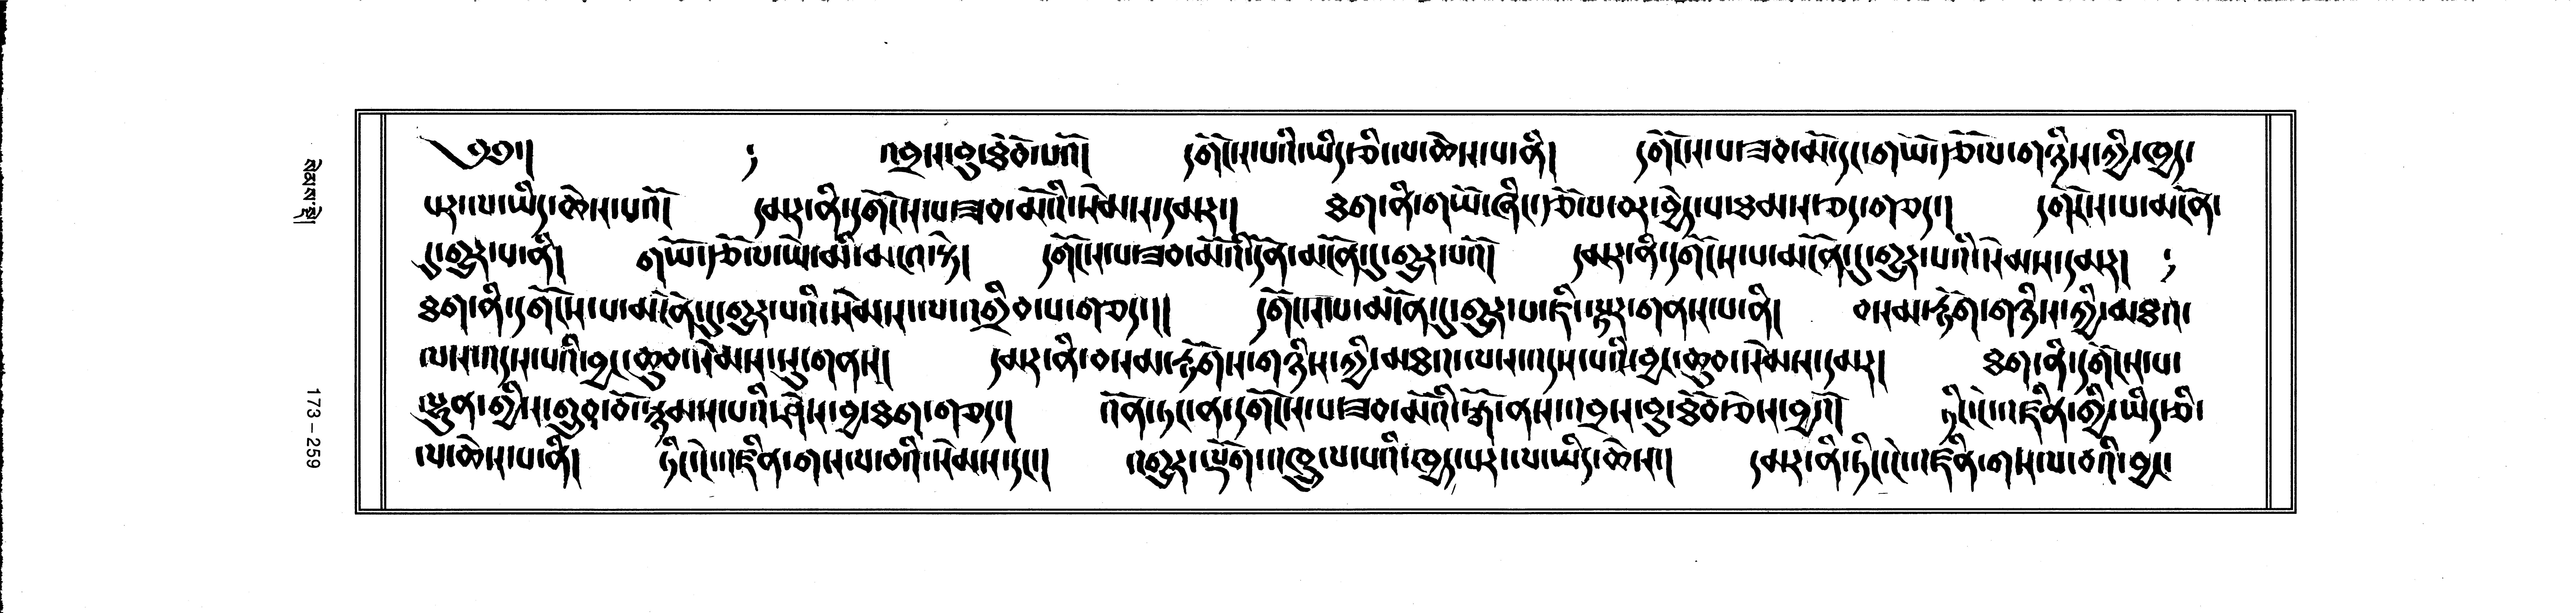འབྲས་བུ་ཐོབ་པའོ། །དགོངས་པའི་ཡིད་ཆི་ལ་ཆེས་པ་ནི། དགོངས་པ་ཟབ་མོ་དང་གཡོ་རྩོལ་གཉིས་ཀྱི་ཁྱད་
པར་ལ་ཡིད་ཆེས་པའོ། །དམར་ནི་དགོངས་པ་ཟབ་མོའི་སེམས་དམར། ཐག་ནི་གཡོ་ཞིང་རྩོལ་བར་བྱེད་པ་ཐམས་ཅད་གཅད། དགོངས་པ་མངོན་
དུ་གྱུར་པ་ནི། གཡོ་རྩོལ་ཡེ་མི་མངའ་སྟེ། དགོངས་པ་ཟབ་མོའི་དོན་མངོན་དུ་གྱུར་པའོ། །དམར་ནི་དགོངས་པ་མངོན་དུ་གྱུར་པའི་སེམས་དམར། 
ཐག་ནི་དགོངས་པ་མངོན་དུ་གྱུར་པའི་སེམས་ལ་འགྲིབ་པ་གཅད། དགོངས་པ་མངོན་དུ་གྱུར་པ་ཇི་ལྟར་གནས་པ་ནི། བསམ་རྟོག་གཉིས་ཀྱི་མཐའ་
ལས་འདས་པའི་བྱང་ཆུབ་སེམས་སུ་གནས། དམར་ནི་བསམ་རྟོག་གཉིས་ཀྱི་མཐའ་ལས་འདས་པའི་བྱང་ཆུབ་སེམས་དམར། ཐག་ནི་དགོངས་པ་
ལྷུན་གྱིས་གྲུབ་བོ་སྙམ་པའི་ཤེས་བྱ་ཐག་གཅད། འོན་ཏང་ན་དགོངས་པ་ཟབ་མོའི་སྒོ་ནས་འབྲས་བུ་ཐོབ་ཅེས་བྱའོ། །ཏིང་ངེ་འཛིན་གྱི་ཡིད་ཅི་
ལ་ཆེས་པ་ནི། ཏིང་ངེ་འཛིན་གསལ་བའི་སེམས་དང་། འགྱུར་ལྡོག་འཁྲུལ་པའི་ཁྱད་པར་ལ་ཡིད་ཆེས། དམར་ནི་ཏིང་ངེ་འཛིན་གསལ་བའི་བྱང་